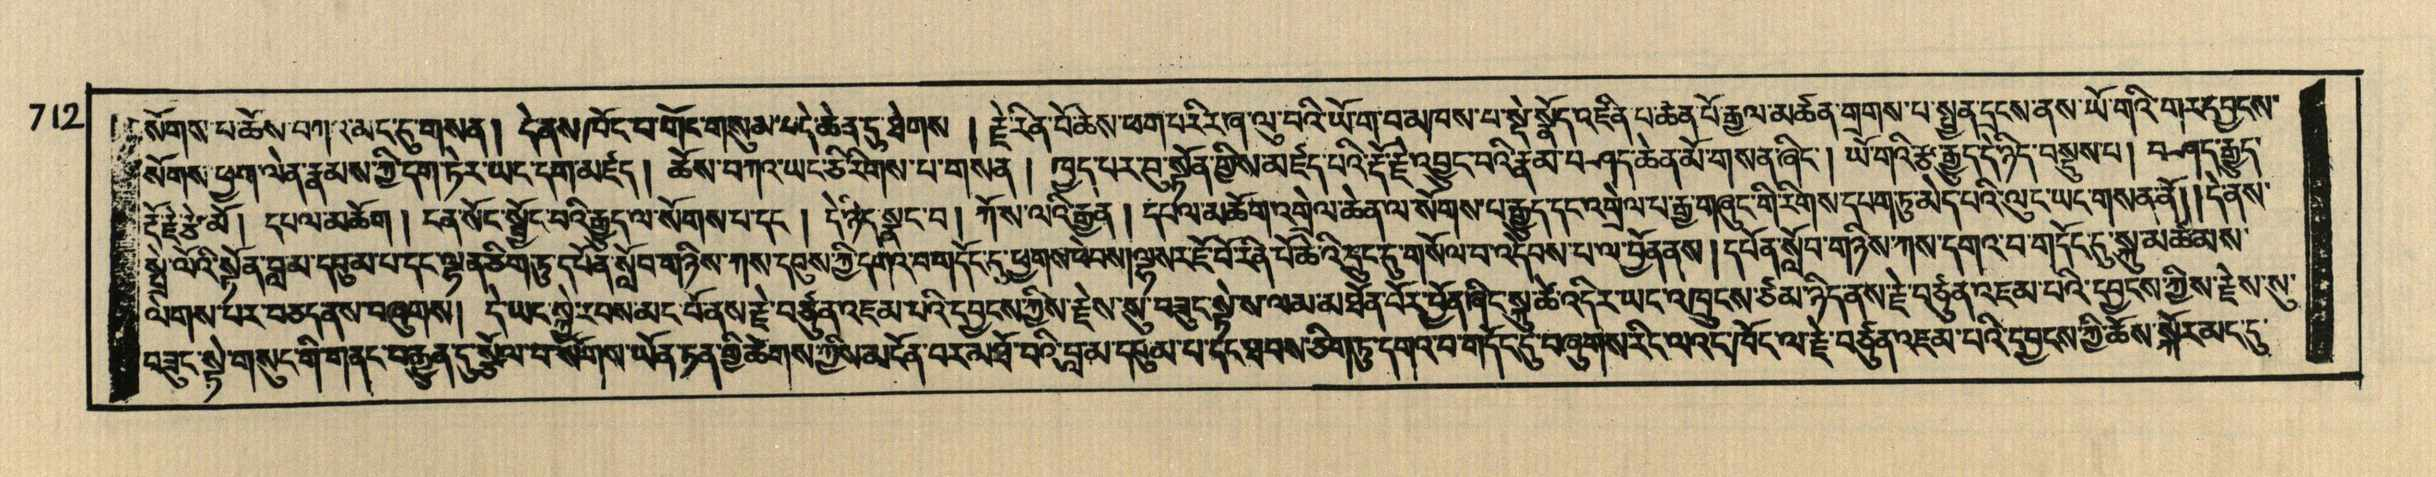སོགས་པ་ཆོས་བཀའ་མང་དུ་གསན། དེ་ནས་ཁོང་བ་གོང་གསུམ་བདེ་ཆེན་དུ་ཐེགས་།རྗེ་རིན་པོ་ཆེས་ཕག་པ་རིར་ཞ་ལུ་བའི་ཡོ་ག་བ་མཁས་པ་སྡེ་སྣོད་འཛིན་པོ་ཆེན་པོ་རྒྱལ་མཚན་གྲགས་པ་སྤྱན་དྲངས་ནས་ཡོ་གའི་གར་དབྱངས་
སོགས་ཕྱག་ལེན་རྣམས་ཀྱི་དག་ཏེར་ཡང་དག་མཛད། ཆོས་བཀའ་ཡང་ཅི་རིགས་པ་གསན། ཁྱད་པར་བུ་སྟོན་གྱིས་མཛད་པའི་རྡོ་རྗེ་འབྱུང་བའི་རྣམ་བཤད་ཆེན་མོ་གསན་ཞིང་། ཡོ་གའི་རྩ་རྒྱུད་དེ་ཉིད་བསྡུས་པ། བཤད་རྒྱུད་
རྡོ་རྗེ་རྩེ་མོ། དཔལ་མཆོག །ངན་སོང་སྦྱོང་བའི་རྒྱུད་ལ་སོགས་པ་དང་། དེ་ཉིད་སྣང་བ། ཀོ་ས་ལའི་རྒྱན། དཔལ་མཆོག་འགྲེལ་ཆེན་ལ་སོགས་པ་རྒྱུད་དང་འགྲེལ་པ་རྒྱ་གཞུང་གི་རིགས་དཔག་ཏུ་མེད་པའི་ལུང་ཡང་གསན་ནོ། །དེ་ནས་
སྤྲེ་ལོའི་སྟོན་བླ་མ་དབུ་མ་པ་དང་ལྷན་ཅིག་ཏུ་དཔོན་སློབ་གཉིས་ཀས་དབུས་ཀྱི་དགའ་བ་གདོང་དུ་ཕྱགས་ཕེབས། ལྷ་སར་ཇོ་བོ་རིན་པོ་ཆེའི་དྲུང་དུ་གསོལ་བ་འདེབས་པ་ལ་བྱོན་ནས། དཔོན་སློབ་གཉིས་ཀས་དགའ་བ་གདོང་དུ་སྐུ་མཚམས་
ལེགས་པར་བཅད་ནས་བཞུགས། དེ་ཡང་སྐྱེ་རབས་མང་པོ་ནས་རྗེ་བཙུན་འཇམ་པའི་དབྱངས་ཀྱིས་རྗེས་སུ་བཟུང་སྟེ་ས་ལམ་མཐོན་བོར་བྱོན་ཞིང་སྐུ་ཚེ་འདིར་ཡང་འཁྲུངས་ཙམ་ཉིད་ནས་རྗེ་བཙུན་འཇམ་པའི་དབྱངས་ཀྱིས་རྗེས་སུ་
བཟུང་སྟེ་གསུང་གི་གནང་བརྒྱུན་དུ་སྩོལ་བ་སོགས་ཡོན་ཏན་གྱི་ཚོགས་ཀྱིས་མངོན་བར་མཐོ་བའི་བླ་མ་དབུམ་པ་དང་ཐབས་ཅིག་ཏུ་དགའ་བ་གདོང་དུ་བཞུགས་རིང་ལའང་ཁོང་ལ་རྗེ་བཙུན་འཇམ་པའི་དབྱངས་ཀྱི་ཆོས་སྐོར་མང་དུ་